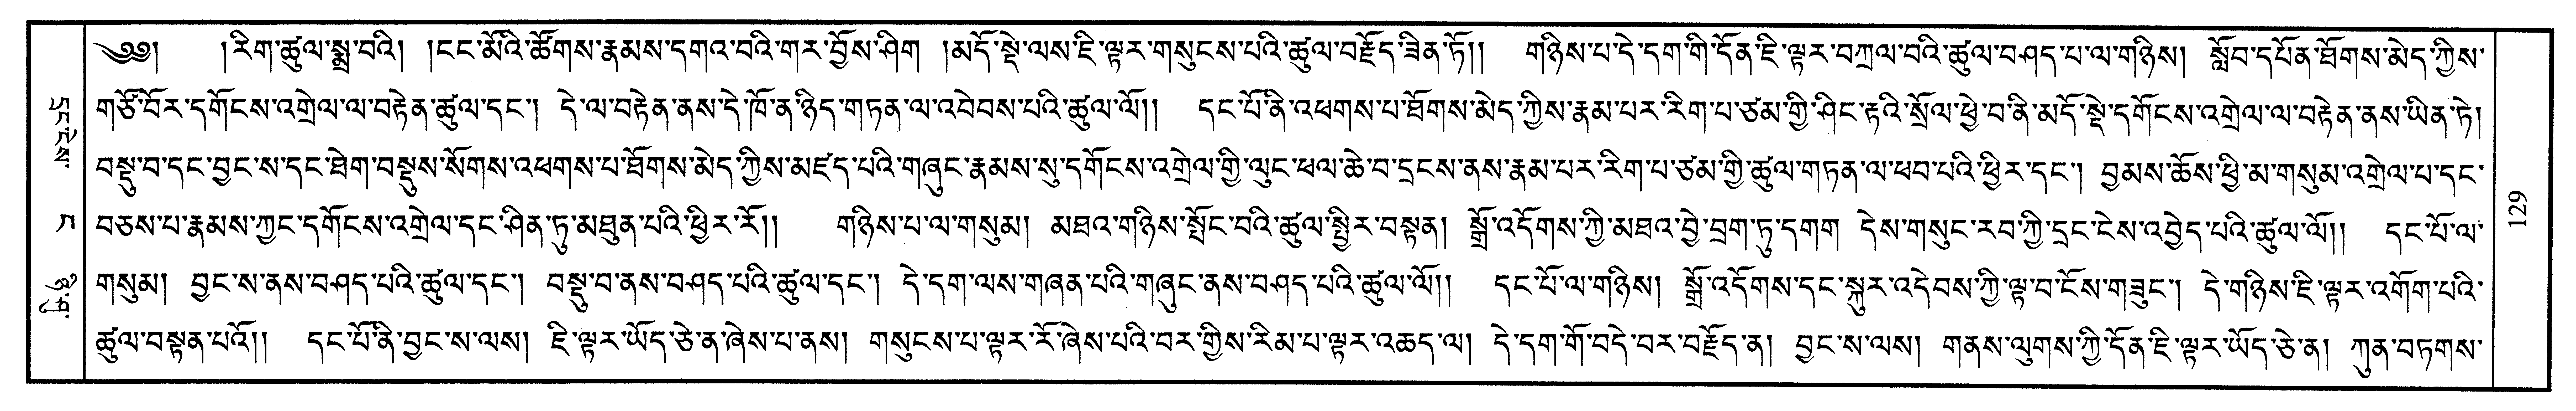༄༅། །རིག་ཚུལ་སྨྲ་བའི། །ངང་མོའི་ཚོགས་རྣམས་དགའ་བའི་གར་བྱོས་ཤིག །མདོ་སྡེ་ལས་ཇི་ལྟར་གསུངས་པའི་ཚུལ་བརྗོད་ཟིན་ཏོ།། གཉིས་པ་དེ་དག་གི་དོན་ཇི་ལྟར་བཀྲལ་བའི་ཚུལ་བཤད་པ་ལ་གཉིས། སློབ་དཔོན་ཐོགས་མེད་ཀྱིས་
གཙོ་བོར་དགོངས་འགྲེལ་ལ་བརྟེན་ཚུལ་དང་། དེ་ལ་བརྟེན་ནས་དེ་ཁོ་ན་ཉིད་གཏན་ལ་འབེབས་པའི་ཚུལ་ལོ།། དང་པོ་ནི་འཕགས་པ་ཐོགས་མེད་ཀྱིས་རྣམ་པར་རིག་པ་ཙམ་གྱི་ཤིང་རྟའི་སྲོལ་ཕྱེ་བ་ནི་མདོ་སྡེ་དགོངས་འགྲེལ་ལ་བརྟེན་ནས་ཡིན་ཏེ།
བསྡུ་བ་དང་བྱང་ས་དང་ཐེག་བསྡུས་སོགས་འཕགས་པ་ཐོགས་མེད་ཀྱིས་མཛད་པའི་གཞུང་རྣམས་སུ་དགོངས་འགྲེལ་གྱི་ལུང་ཕལ་ཆེ་བ་དྲངས་ནས་རྣམ་པར་རིག་པ་ཙམ་གྱི་ཚུལ་གཏན་ལ་ཕབ་པའི་ཕྱིར་དང་། བྱམས་ཆོས་ཕྱི་མ་གསུམ་འགྲེལ་པ་དང་
བཅས་པ་རྣམས་ཀྱང་དགོངས་འགྲེལ་དང་ཤིན་ཏུ་མཐུན་པའི་ཕྱིར་རོ།། གཉིས་པ་ལ་གསུམ། མཐའ་གཉིས་སྤོང་བའི་ཚུལ་སྤྱིར་བསྟན། སྒྲོ་འདོགས་ཀྱི་མཐའ་བྱེ་བྲག་ཏུ་དགག་དེས་གསུང་རབ་ཀྱི་དྲང་ངེས་འབྱེད་པའི་ཚུལ་ལོ།། དང་པོ་ལ་
གསུམ། བྱང་ས་ནས་བཤད་པའི་ཚུལ་དང་། བསྡུ་བ་ནས་བཤད་པའི་ཚུལ་དང་། དེ་དག་ལས་གཞན་པའི་གཞུང་ནས་བཤད་པའི་ཚུལ་ལོ།། དང་པོ་ལ་གཉིས། སྒྲོ་འདོགས་དང་སྐུར་འདེབས་ཀྱི་ལྟ་བ་ངོས་གཟུང་། དེ་གཉིས་ཇི་ལྟར་འགོག་པའི་
ཚུལ་བསྟན་པའོ།། དང་པོ་ནི་བྱང་ས་ལས། ཇི་ལྟར་ཡོད་ཅེ་ན་ཞེས་པ་ནས། གསུངས་པ་ལྟར་རོ་ཞེས་པའི་བར་གྱིས་རིམ་པ་ལྟར་འཆད་ལ། དེ་དག་གོ་བདེ་བར་བརྗོད་ན། བྱང་ས་ལས། གནས་ལུགས་ཀྱི་དོན་ཇི་ལྟར་ཡོད་ཅེ་ན། ཀུན་བཏགས་